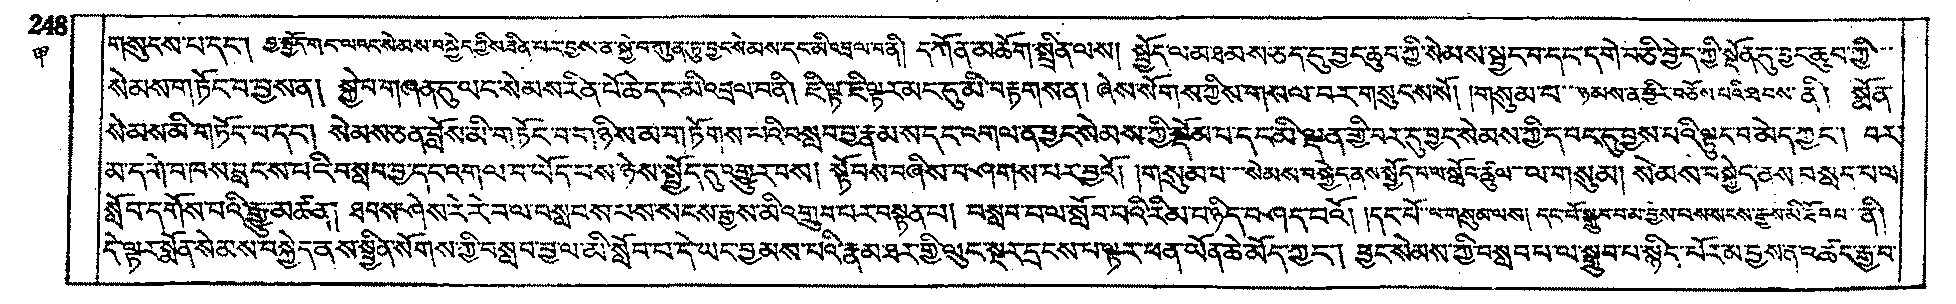གསུངས་པ་དང་། བྱ་སྤྱོད་གང་ལའང་སེམས་བསྐྱེད་ཀྱིས་ཟིན་པར་བྱས་ན་སྐྱེ་བ་ཀུན་ཏུ་བྱང་སེམས་དང་མི་འབྲལ་བ་ནི།  དཀོན་མཆོག་སྤྲིན་ལས། སྤྱོད་ལམ་ཐམས་ཅད་དུ་བྱང་ཆུབ་ཀྱི་སེམས་སྤྱང་བ་དང་དགེ་བ་ཅི་བྱེད་ཀྱི་སྔོན་དུ་བྱང་ཆུབ་ཀྱི་
སེམས་གཏོང་བ་བྱས་ན། སྐྱེ་བ་གཞན་དུ་ཡང་སེམས་རིན་པོ་ཆེ་དང་མི་འབྲལ་བ་ནི། ཇི་ལྟ་ཇི་ལྟར་མང་དུ་མི་བརྟགས་ན། ཞེས་སོགས་ཀྱིས་གསལ་བར་གསུངས་སོ། །གསུམ་པཉམས་ན་ཕྱིར་བཅོས་པའི་ཐབསནི། སྨོན་
སེམས་མི་གཏོང་བ་དང་། སེམས་ཅན་བློས་མི་གཏོང་བ་གཉིས་མ་གཏོགས་པའི་བསླབ་བྱ་རྣམས་དང་འགལ་ན་བྱང་སེམས་ཀྱི་སྡོམ་པ་དང་མི་ལྡན་གྱི་བར་དུ་བྱང་སེམས་ཀྱི་དབང་དུ་བྱས་པའི་ལྟུང་བ་མེད་ཀྱང་། བར་
མ་དགེ་བ་ཁས་བླངས་པའི་བསླབ་བྱ་དང་འགལ་བ་ཡོད་པས་ཉེས་སྤྱོད་དུ་འགྱུར་བས། སྟོབས་བཞིས་བཤགས་པར་བྱའོ། །གསུམ་པསེམས་བསྐྱེད་ནས་སྤྱོད་པ་ལ་སློབ་ཚུལལ་གསུམ། སེམས་བསྐྱེད་ནས་བསླབ་པ་ལ་
སློབ་དགོས་པའི་རྒྱུ་མཚན། ཐབས་ཤེས་རེ་རེ་བ་ལ་བསླབས་པས་སངས་རྒྱས་མི་འགྲུབ་པར་བསྟན་པ། བསླབ་པ་ལ་སློབ་པའི་རིམ་པ་ཉིད་བཤད་པའོ། །དང་པོལ་གསུམ་ལས། དང་པོ་སྒྲུབ་བ་མ་བྱས་པས་སངས་རྒྱས་མི་ཐོབ་པནི།
དེ་ལྟར་སྨོན་སེམས་བསྐྱེད་ནས་སྦྱིན་སོགས་ཀྱི་བསླབ་བྱ་ལ་མི་སློབ་པ་དེ་ཡང་བྱམས་པའི་རྣམ་ཐར་གྱི་ལུང་སྔར་དྲངས་པ་ལྟར་ཕན་ཡོན་ཆེ་མོད་ཀྱང་། ཕྱང་སེམས་ཀྱི་བསླབ་པ་ལ་སྒྲུབ་པས་ཉིད་པོར་མ་བྱས་ན་འཚང་རྒྱ་བ་